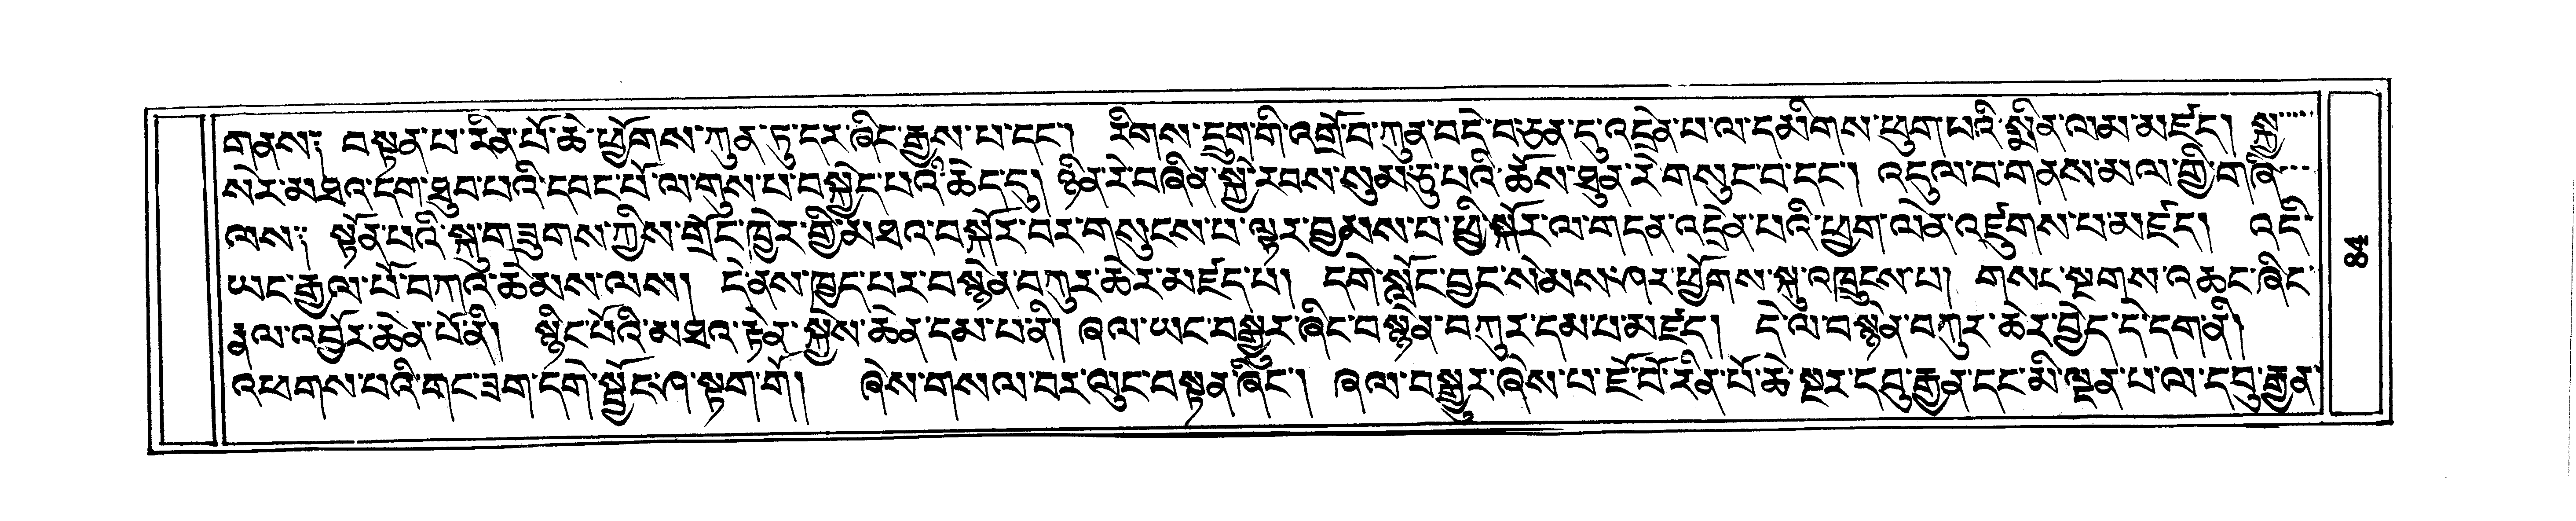གནས༑ བསྟན་པ་རིན་པོ་ཆེ་ཕྱོགས་ཀུན་ཏུ་དར་ཞིང་རྒྱས་པ་དང་། རིགས་དྲུག་གི་འགྲོ་བ་ཀུན་བདེ་བ་ཅན་དུ་འདྲེན་པ་ལ་དམིགས་ཕུག་པའི་སྨིན་ལམ་མཛད། སྐྱ་
སེར་མཐའ་དག་ཐུབ་པའི་དབང་པོ་ལ་གུས་པ་བསྐྱེད་པའི་ཆེད་དུ། ཉིན་རེ་བཞིན་སྐྱེ་རབས་སུམ་ཅུ་པའི་ཆོས་ཐུན་རེ་གསུང་བ་དང་། འདུལ་བ་གནས་མལ་གྱི་གཞི་
ལས༑ སྟོན་པའི་སྐུ་གཟུགས་ཀྱིས་གྲོང་ཁྱེར་གྱི་མཐའ་བསྐོར་བར་གསུངས་པ་ལྟར་བྱམས་པ་ཕྱི་སྐོར་ལ་གདན་འདྲེན་པའི་ཕྱག་ལེན་འཛུགས་པ་མཛད། འདི་
ཡང་རྒྱལ་པོ་བཀའ་ཆེམས་ལས། དེ་ནས་ཁྱད་པར་བསྙེན་བཀུར་ཆེར་མཛད་པ། དགེ་སློང་བྱང་སེམས་ཤར་ཕྱོགས་སྐུ་འཁྲུངས་པ། གསང་སྔགས་འཆང་ཞིང་
རྣལ་འབྱོར་ཆེན་པོ་ནི། སྙིང་པོའི་མཐའ་རྟེན་སྐྱེས་ཆེན་དམ་པ་ནི། ཞལ་ཡང་བསྒྱུར་ཞིང་བསྙེན་བཀུར་དམ་པ་མཛད། དེ་ལ་བསྙེན་བཀུར་ཆེར་བྱེད་དེ་དག་ནི།
འཕགས་པའི་གང་ཟག་དགེ་སྦྱོང་ཤ་སྟག་གོ། ཞེས་གསལ་བར་ལུང་བསྟན་ཞིང་། ཞལ་བསྒྱུར་ཞེས་པ་ཇོ་བོ་རིན་པོ་ཆེ་སྔར་དབུ་རྒྱན་དང་མི་ལྡན་པ་ལ་དབུ་རྒྱན་